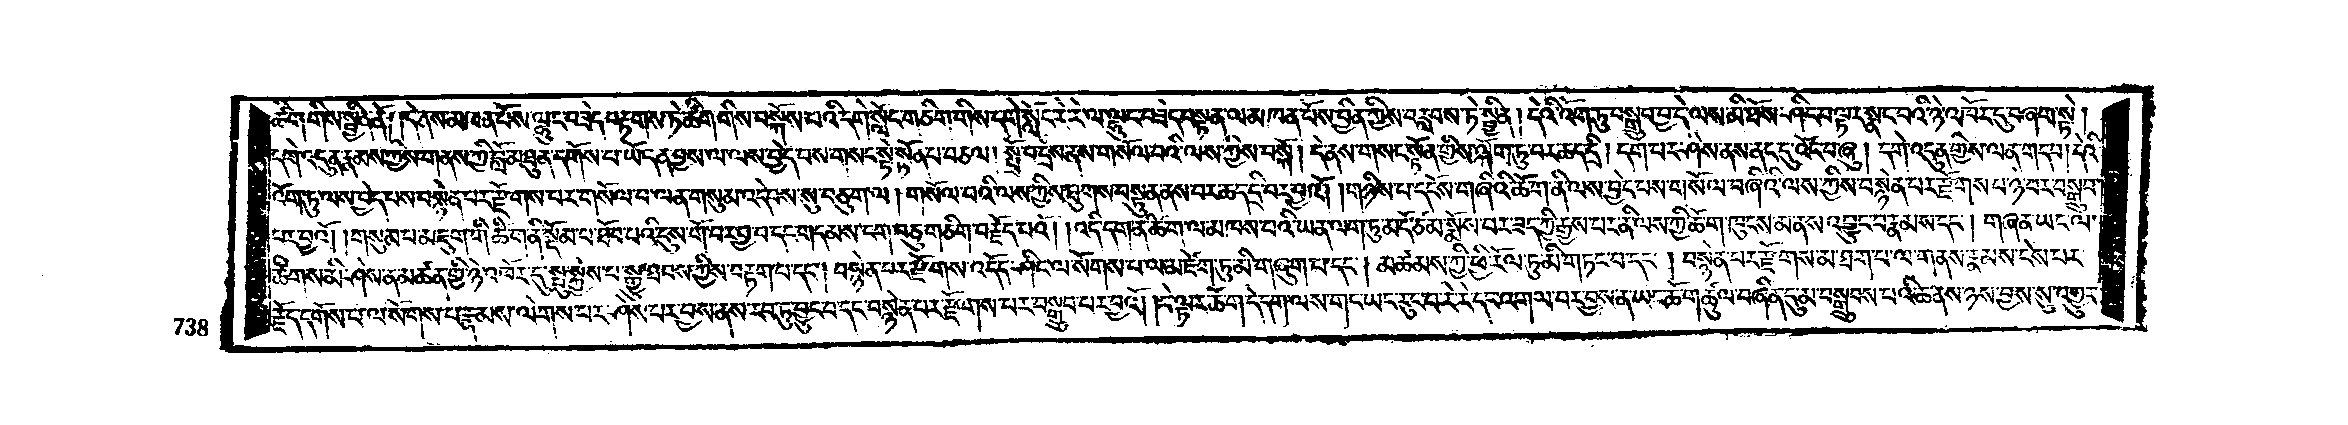ཚིག་གིས་སྦྱིན་ནོ། །དེ་ནས་མཁན་པོས་ལྷུང་བཟེད་བརྟགས་ཏེ་ཚིག་གིས་བསྐོས་པའི་དགེ་སློང་གཅིག་གིས་དགེ་སློང་རེ་རེ་ལྷུང་བཟེད་བསྟན་ལ་མཁན་པོས་བྱིན་གྱིས་བརླབས་ཏེ་སྦྱིན། དེའི་འོག་ཏུ་བསྒྲུབ་བྱ་དེ་ལས་མི་ཐོས་ཤིང་བ་ལྟར་སྣང་བའི་ཉེ་འཁོར་དུ་བཞག་སྟེ།
དགེ་འདུན་རྣམས་ཀྱིས་གནས་ཀྱི་བློ་མཐུན་དགོས་པ་ཡོད་ན་བྱས་ལ་ལས་བྱེད་པས་གསང་སྟེ་སྟོན་པ་བཅལ། སྤྲོ་བ་དྲས་ནས་གསོལ་བའི་ལས་ཀྱིས་བསྐོ། དེ་ནས་གསང་སྟོན་གྱིས་ལྐོག་ཏུ་བར་ཆད་དྲི། དག་པར་ཤེས་ནས་ནང་དུ་འོང་བ་ཞུ། དགེ་འདུན་གྱིས་ལན་གདབ། དེའི་
འོག་ཏུ་ལས་བྱེད་པས་བསྙེན་པར་རྫོགས་པར་གསོལ་བ་ལན་གསུམ་འདེབས་སུ་བཅུག་ལ། གསོལ་བའི་ལས་ཀྱིས་ཐུགས་བསྟུན་ནས་བར་ཆད་དྲི་བར་བྱའོ། །གཉིས་པ་དངོས་གཞིའི་ཆོ་ག་ནི་ལས་བྱེད་པས་གསོལ་བཞིའི་ལས་ཀྱིས་བསྙེན་པར་རྫོགས་པ་ཉེ་བར་བསྒྲུབ་
པར་བྱའོ། །གསུམ་པ་མཇུག་གི་ཚིག་ནི་སྡོམ་པ་ཐོབ་པའི་དུས་གོ་བར་བྱ་བ་དང་གདམས་ངག་བཅུ་གཅིག་བརྗོད་པའོ། །འདི་དག་ན་ཚིག་ལ་མཁས་པའི་ཡན་ལག་ཏུ་མདོ་ཙམ་སྨོས་པར་ཟད་ཀྱི་རྒྱས་པར་ནི་ལས་ཀྱི་ཆོ་ག་ཁུང་མ་ནས་འབྱུང་བ་རྣམས་དང་། གཞན་ཡང་ལ་
ཚིགས་མི་ཤེས་ན་མཚན་གྱི་ཉེ་འཁོར་དུ་སྤུ་སྐྱེས་པ་སྒྱུ་ཐབས་ཀྱིས་བརྟག་པ་དང་། བསྙེན་པར་རྫོགས་འདོད་ཤིང་ལ་སོགས་པ་ལ་མཛེག་ཏུ་མི་གཞུག་པ་དང་། མཚམས་ཀྱི་ཕྱི་རོལ་ཏུ་མི་གཏང་བ་དང་། བསྙེན་པ་རྫོགས་མ་ཐག་པ་ལ་གནས་རྣམས་ངེས་པར་
རྗོད་དགོས་པ་ལ་སོགས་པ་རྣམས་ལེགས་པར་ཤེས་པར་བྱས་ནས་རབ་ཏུ་བྱུང་བ་དང་བསྙེན་པར་རྫོགས་པར་བསྒྲུབ་པར་བྱའོ། །དེ་ལྟར་ཆོ་ག་དེ་དག་ལས་གང་ཡང་རུང་བ་རེ་རེ་དང་འགལ་བར་བྱས་ན་ཡང་ཆོ་ག་ཚུལ་བཞིན་དུ་མ་བསྒྲུབས་པའི་ཆ་ནས་ཉས་བྱས་སུ་འགྱུར་